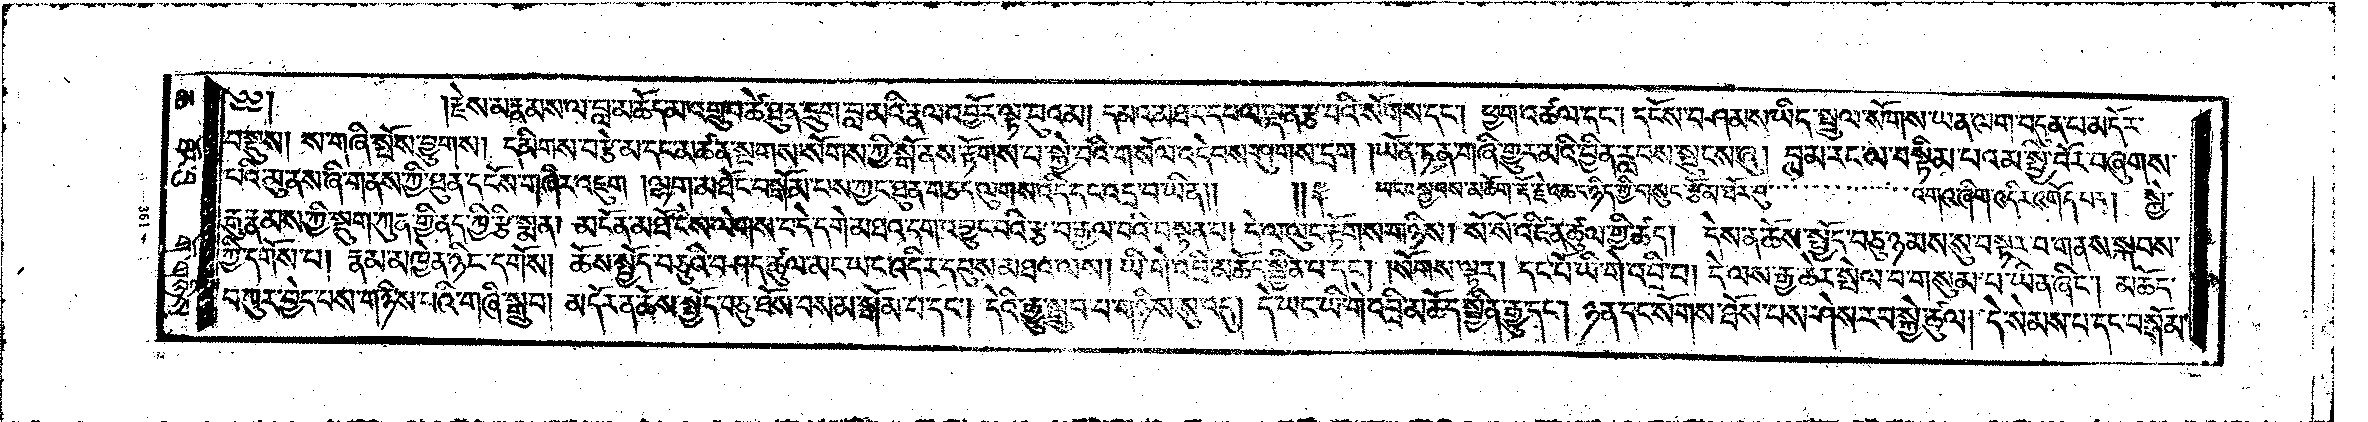༄༅། །རྗེས་མ་རྣམས་ལ་བླ་མཆོད་མ་འགྲུབ་ཚེ་ཐུན་དྲུག་བླ་མའི་རྣལ་འབྱོར་ལྟ་བུའམ། དམའ་མཐར་དཔལ་ལྡན་རྩ་བའི་སོགས་དང་། ཕྱག་འཚལ་དང་། དངོས་བཤམས་ཡིད་སྤྲུལ་སོགས་ཡན་ལག་བདུན་པ་མདོར་
བསྡུས། ས་གཞི་སྤོས་བྱུགས། དམིགས་བརྩེ་མ་དང་མཚན་སྔགས་སོགས་ཀྱི་སྒོ་ནས་རྟོགས་པ་སྐྱེ་བའི་གསོལ་འདེབས་ཤུགས་དྲག །ཡོན་ཏན་གཞི་གྱུར་མའི་བྱིན་རླབས་སྤུངས་ཞུ། བླ་མ་རང་ལ་བསྟིམ་པའམ་སྤྱི་བོར་བཞུགས་
པའི་མུ་ནས་ཞི་གནས་ཀྱི་ཐུན་དངོས་གཞིར་འཇུག །ལྷག་མཐོང་བསྒོམ་པས་ཀྱང་ཐུན་གཅད་ལུགས་འདི་དང་འདྲ་བ་ཡིན།། །།༈ ཡང ༧སྐྱབས་མཆོག་རྡོ་རྗེ་འཆང་ཉིད་ཀྱི་གསུང་རྩོམ་ཐོར་བུ་འགའ་ཞིག་འདིར་འགོད་པར།  སྐྱེ་
རྒུ་རྣམས་ཀྱི་སྡུག་ཀུན་གྱི་ནད་ཀྱི་རྩི་སྨན། མངོན་མཐོ་ངེས་ལེགས་བདེ་དགེ་མཐའ་དག་འབྱུང་བའི་རྩ་བརྒྱལ་བའི་བསྟན་པ། དེ་ལ་ལུང་རྟོགས་གཉིས། སོ་སོ་འཛིན་ཚུལ་གྱི་ཚད། དེས་ན་ཆོས་སྤྱོད་བཅུ་ཉམས་སུ་བསྟར་བ་གནས་སྐབས་
ཀྱི་དགོས་པ། རྣམ་མཁྱེན་ཉིང་དགོས། ཆོས་སྤྱོད་བཅུའི་བཤད་ཚུལ་མང་ཡང་འདིར་དབུས་མཐའ་ལས། ཡི་གེ་འབྲི་མཆོད་སྦྱིན་པ་དང་། །སོགས་ལྟར། དང་པོ་ཡི་གེ་འབྲི་བ། དེ་ལས་རྒྱ་ཆེར་སྤེལ་བ་གསུམ་པ་ཡིན་ཞིང་། མཆོད་
བཀུར་བྱེད་པས་གཉིས་པའི་གཞི་སྒྲུབ། མདོར་ན་ཆོས་སྤྱོད་བཅུ་ཐོས་བསམ་སྒོམ་པ་དང་། དེའི་རྒྱུ་སྒྲུབ་པ་གཉིས་སུ་འདུ། དེ་ཡང་ཡི་གེ་འབྲི་མཆོད་སྦྱིན་རྒྱུ་དང་། ཉན་དང་སོགས་ཐོས་པས་ཤེས་རབ་སྐྱེ་ཚུལ། དེ་སེམས་དཔ་དང་བསྒོམ་